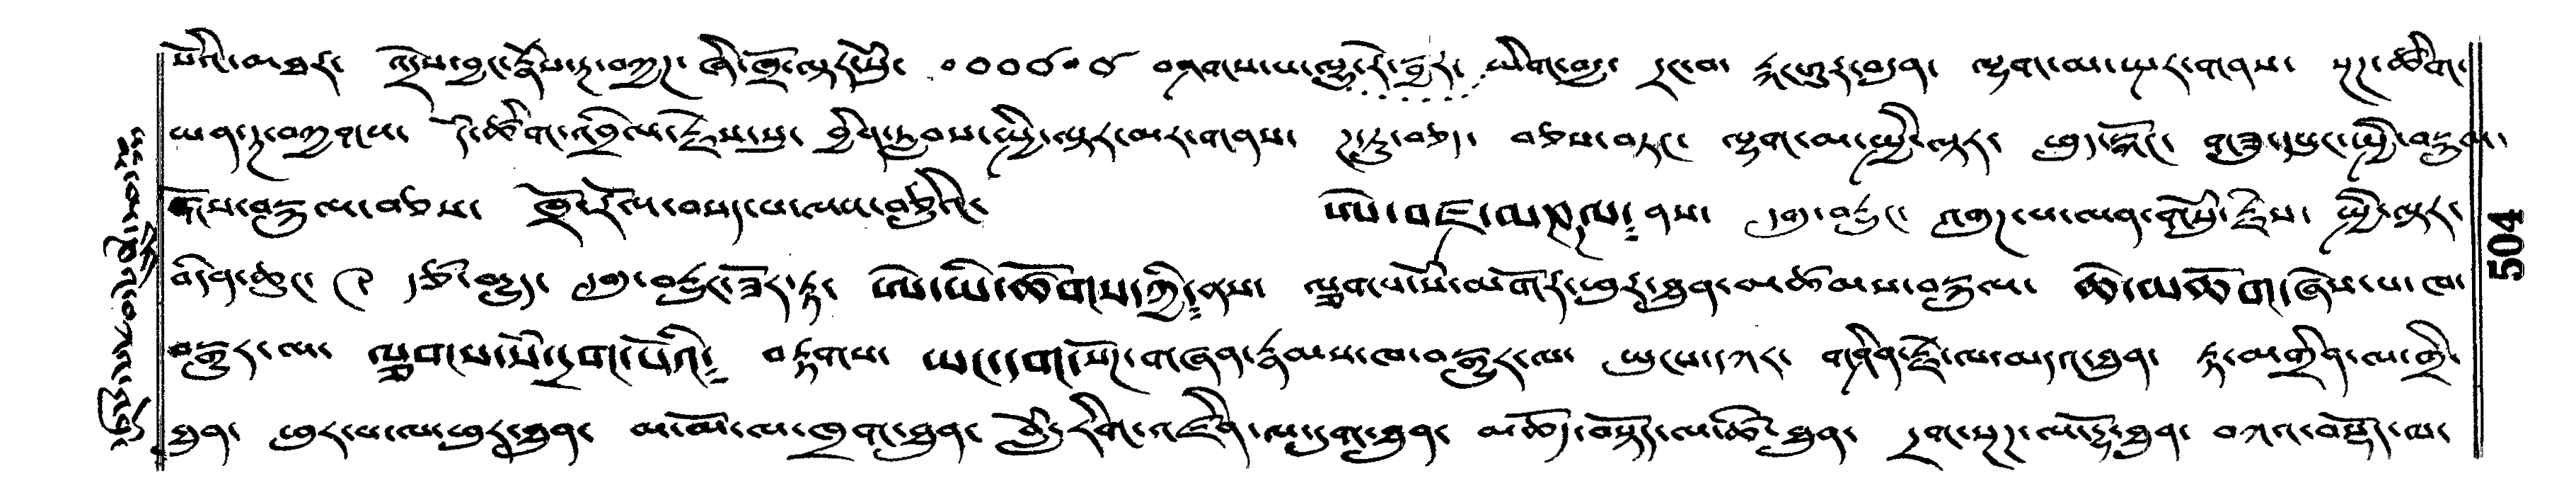སོའི་མཐར། འགྲེས་བྱང་རྣམས་ ( རྔ་བཀྱགས་ ) ཞི་ཁྲོ་ལྟར། བཤགས་པ་ལྷུ་རེ་སྦྱར། ( ལྷག་མ་སྤར་གནས། སྔགས་ཚིག་
ཡན་རྔ་བཀྱགས། དམ་ཚིག་འབྲེལ་རྗེས་སུ་བྱིན་རླབས་སྤྱི་ལྟར་མར་གནས། ཌཱ་ཏུ་བཅད། བཅས་བཏང་། ) དྲང་བ། ལྷག་མ་སྤྱི་ལྟར། ཕུད་སྐོང་། གཟུ་དཔང་། སྤྱི་བསྐུལ། 
སྒོས་བསྐུལ་བཅས། ཁྲོ་རོལ་བསད་པ་ལས་བཅུའི། ཨེ་བཛྲ་མཎྜལ༴ ནས། ( དགུ་བརྡུང་། ) འགུགས་པ་ལན་གསུམ་རྗེས། སྤྱི་ལྟར་
བདེན་ཆུང་། ( དགུ ) རྩ་བརྒྱུད། ( དགུ་བརྡུང་ཟོར་རྟ། ) ཨེ་ཡི་ཚོགས་ཀྱི༴ ནས། ལྕགས་སམ༴ འགོར་ཕུར་ཐུན་མཚམས་བསྐུལ། ཆེ་མཆོག་ཞེས་པ་ཁ་
བསྒྱུར་ལ། ལྕགས་སམ་དྲག་པོའི༴ ( བརྟགས། ) ཡང་དག༴ སོགས་གཞན་རྣམས་ཁ་བསྒྱུར་ལ། ཡུངས་དཀར། གཤིན་རྗེ་ལ་མདའ་ཐུན། རྟ་མགྲིན་ལ་གྲི་
ཐུན། ཕུར་པ་ལ་ཕུར་ཐུན། མ་མོ་ལ་ཁྲག་ཐུན། བླ་མ་རིག་འཛིན་ལ་དུག་ཐུན། མཆོད་བསྟོད་ལ་ཚེ་ཐུན།དྲག་སྔགས་ལ་རྡོ་ཐུན། བཀའ་བསྡོད་ལ་་་་་་་འདི་ནས་ཅུང་ཞིག་ཆད་དམ་སྙམ།